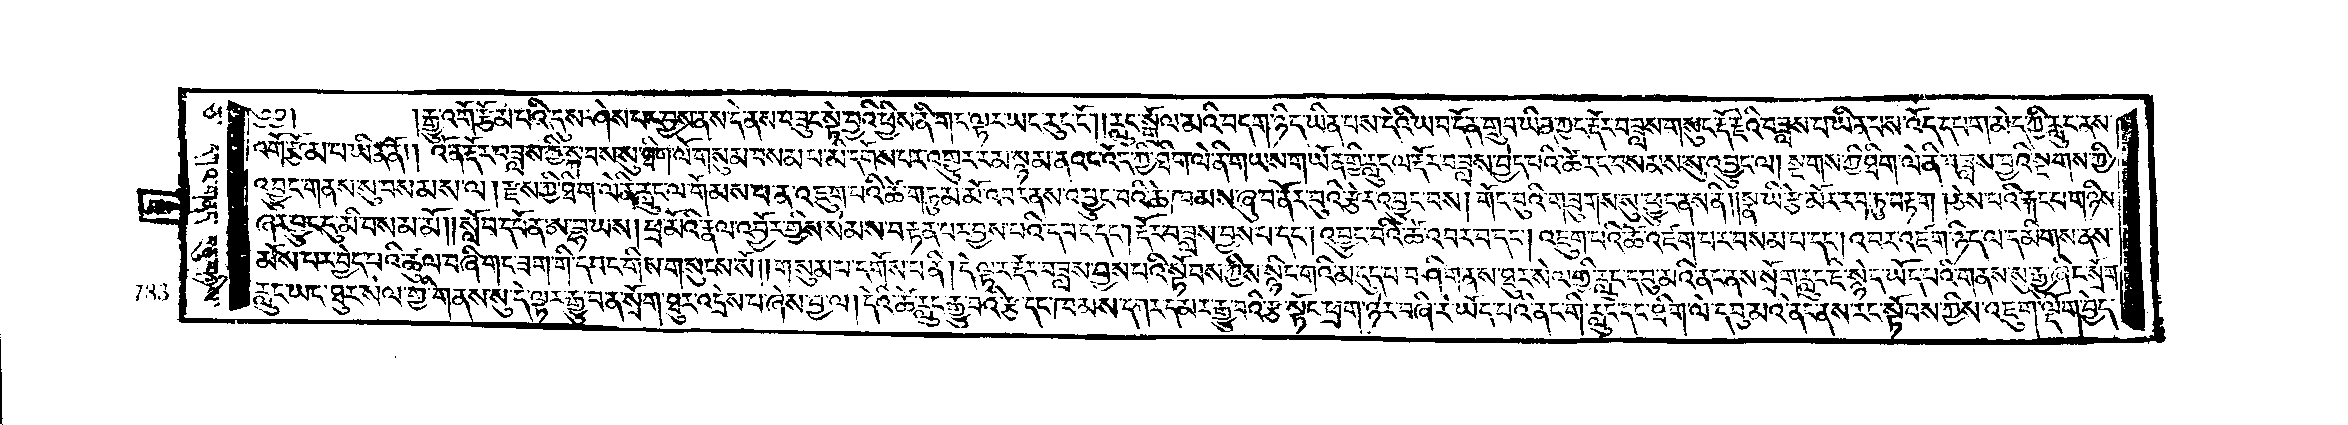༄༅། །རྒྱུ་འགོ་རྩོམ་པའི་དུས་ཤེས་པར་བྱས་ནས་དེ་ནས་བཟུང་སྟེ་བྱའི་ཕྱིས་ནི་གང་ལྟར་ཡང་རུང་ངོ། །རླུང་སྒྲོལ་མའི་བདག་ཉིད་ཡིན་པས་དེའི་ཡབ་དོན་གྲུབ་ཡིན་ཀྱང་རྡོར་བཟླས་གསུང་རྡོ་རྗེའི་བཟླས་པ་ཡིན་པས་འོད་དཔག་མེད་ཀྱི་རླུང་ནས་
འགོ་རྩོམ་པ་ཡིན་ནོ། །འོ་ན་རྡོར་བཟླས་ཀྱི་སྐབས་སུ་ཐིག་ལེ་གསུམ་བསམ་པ་མི་དགོས་པར་འགྱུར་རམ་སྙམ་ནའང་འོད་ཀྱི་ཐིག་ལེ་ནི་གཡས་གཡོན་གྱི་རླུང་ལ་རྡོར་བཟླས་བྱེད་པའི་ཚེ་རང་བསམས་སུ་འབྱུང་ལ། སྔགས་ཀྱི་ཐིག་ལེ་ནི་བཟླས་བྱའི་སྔགས་ཀྱི་
འབྱུང་གནས་སུ་བསམས་ལ། རྫས་ཀྱི་ཐིག་ལེ་ནི་རླུང་ལ་གོམས་པ་ན་འཇུག་པའི་ཚེ་གཏུམ་མོ་འབར་ནས་འབྱུང་བའི་ཆེ་ཁམས་ཞུ་བ་ནོར་བུའི་རྩེར་འབྱུང་བས། གོང་བུའི་གཟུགས་སུ་ཕྱུང་ནས་ནི། །སྣ་ཡི་རྩེ་མོར་རབ་ཏུ་བརྟག །ཅེས་པའི་རྐང་པ་གཉིས་
ཞར་བྱུང་དུ་མི་བསམ་མོ། །སློབ་དཔོན་ཨ་བྷ་ཡས། ཕྲ་མོའི་རྣལ་འབྱོར་གྱིས་སེམས་བརྟན་པར་བྱས་པའི་དབང་དང་། རྡར་བཟླས་བྱས་པ་དང་། འབྱུང་བའི་ཚེ་འབར་བ་དང་། འཇུག་པའི་ཚེ་འཛག་པར་བསམ་པ་དང་། འབར་འཛག་ཉིད་ལ་དམིགས་ནས་
མོས་པར་བྱེད་པའི་ཚུལ་བཞི་གང་ཟག་གི་དབང་གིས་གསུངས་སོ། །གསུམ་པ་དགོས་པ་ནི། དེ་ལྟར་རྡོར་བཟླས་བྱས་པའི་སྟོབས་ཀྱིས་སྙིང་གའི་མདུད་པ་བཤིག་ནས་ཐུར་སེལ་གྱི་རླུང་དབུ་མའི་ནང་ནས་སྲོག་རླུང་ཇི་སྙེད་ཡོད་པའི་གནས་སུ་རྒྱུ་ཞིང་སྲོག་
རླུང་ཡང་ཐུར་སེལ་གྱི་གནས་སུ་དེ་ལྟར་རྒྱུ་བ་ན་སྲོག་ཐུར་འདྲེས་པ་ཞེས་བྱ་ལ། དེའི་ཚེ་རླུང་རྒྱུ་བའི་རྩ་དང་ཁམས་དཀར་དམར་རྒྱུ་བའི་རྩ་སྟོང་ཕྲག་ཉེར་བཞི་རེ་ཡོད་པའི་ནང་གི་རླུང་དང་ཐིག་ལེ་དབུ་མའི་ནང་ནས་རང་སྟོབས་ཀྱིས་འཇུག་ལྡོག་བྱེད་